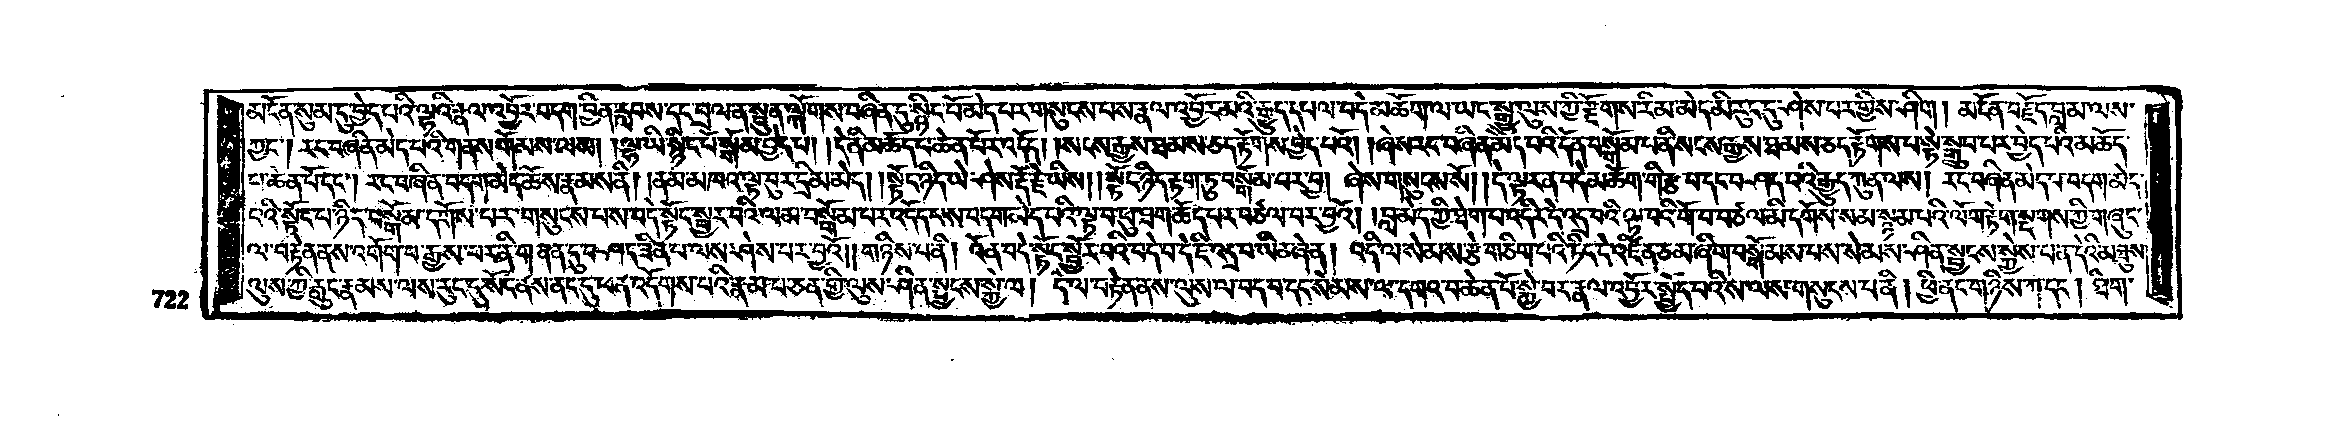མངོན་སུམ་དུ་བྱེད་པའི་ལྷའི་རྣལ་འབྱོར་བདག་བྱིན་རླབས་དང་བྲལ་ན་སྦུན་ལྐོགས་བཞིན་དུ་སྙིང་པོ་མེད་པར་གསུགནས་པས་རྣལ་འབྱོར་མའི་རྒྱུད་དཔལ་བདེ་མཆོག་ལ་ཡང་སྒྱུ་ལུས་ཀྱི་རྫོགས་རིམ་མེད་མི་རུང་དུ་ཤེས་པར་གྱིས་ཤིག ། མངོན་བརྗོད་བླ་མ་ལས་
ཀྱང་། རང་བཞིན་མེད་པའི་གནས་གོམས་ལས། །ལྷ་ཡི་སྙིང་པོ་སྒོམ་བྱེད་པ། །དེ་ནི་མཆོད་པ་ཆེན་པོར་འདོད། །སངས་རྒྱས་ཐམས་ཅད་རྟོགས་བྱེད་པའོ། །ཞེས་རང་བཞིན་མེད་པའི་དོན་བསྒོམ་པ་ནི་སངས་རྒྱས་ཐམས་ཅད་རྟོགས་པ་སྟེ་སྒྲུབ་པར་བྱེད་པའི་མཆོད་
པ་ཆེན་པོ་དང་། རང་བཞིན་བདག་མེད་ཆོས་རྣམས་ནི། །ནམ་མཁའ་ལྟ་བུར་དྲི་མ་མེད། །སྟོང་ཉིད་ཡེ་ཤེས་རྡོ་རྗེ་ཡིས། །སྟོང་ཉིད་རྟག་ཏུ་བསྒོམ་པར་བྱ། ཞེས་གསུངས་སོ། །དེ་ལྟར་ན་བདེ་མཆོག་གི་རྩ་བ་དང་བཤད་པའི་རྒྱུད་ཀུན་ལས། རང་བཞིན་མེད་པ་བདག་མེད་
པའི་སྟོང་པ་ཉིད་བསྒོམ་དགོས་པར་གསུངས་པས་བདེ་སྟོང་སྦྱར་བའི་ལམ་བསྒོམ་པར་འདོད་པས་བདག་མེད་པའི་ལྟ་བ་ཕུ་ཐག་ཆོད་པར་བཙལ་བར་བྱའོ། །བླ་མེད་ཀྱི་ཐེག་པ་འདིར་དེ་འདྲ་བའི་ལྟ་བའི་གོ་བ་བཙལ་མི་དགོས་སམ་སྙམ་པའི་ལོག་རྟོག་སྔགས་ཀྱི་གཞུང་
ལ་བརྟེན་ནས་འགོག་པ་རྒྱས་པར་ནི་གཞན་དུ་བཤད་ཟིན་པ་ལས་ཤེས་པར་བྱའོ། །གཉིས་པ་ནི། འོན་བདེ་སྟོང་སྦྱོར་བའི་བདེ་བ་དེ་ཇི་འདྲ་བ་ཡིན་ཞེ་ན། འདི་ལ་སེམས་རྩེ་གཅིག་པའི་ཏིང་ངེ་འཛིན་ཙམ་ཞིག་བསྒོམས་པས་སེམས་ཤིན་སྦྱངས་སྐྱེས་པ་ན་དེའི་མཐུས་
ལུས་ཀྱི་རླུང་རྣམས་ལས་རུང་དུ་སོང་ནས་ནང་དུ་ཕན་འདོགས་པའི་རྣམ་པ་ཅན་གྱི་ལུས་ཤིན་སྦྱངས་སྐྱེ་ལ། དེ་ལ་བརྟེན་ནས་ལུས་ལ་བད་བ་དང་སེམས་ལ་དགའ་བ་ཆེན་པོ་སྐྱེ་བར་རྣལ་འབྱོར་སྤྱོད་པའི་ས་ལས་གསུངས་པ་ནི། ཕྱི་ནང་གཉིས་ཀ་དང་། ཐེག་